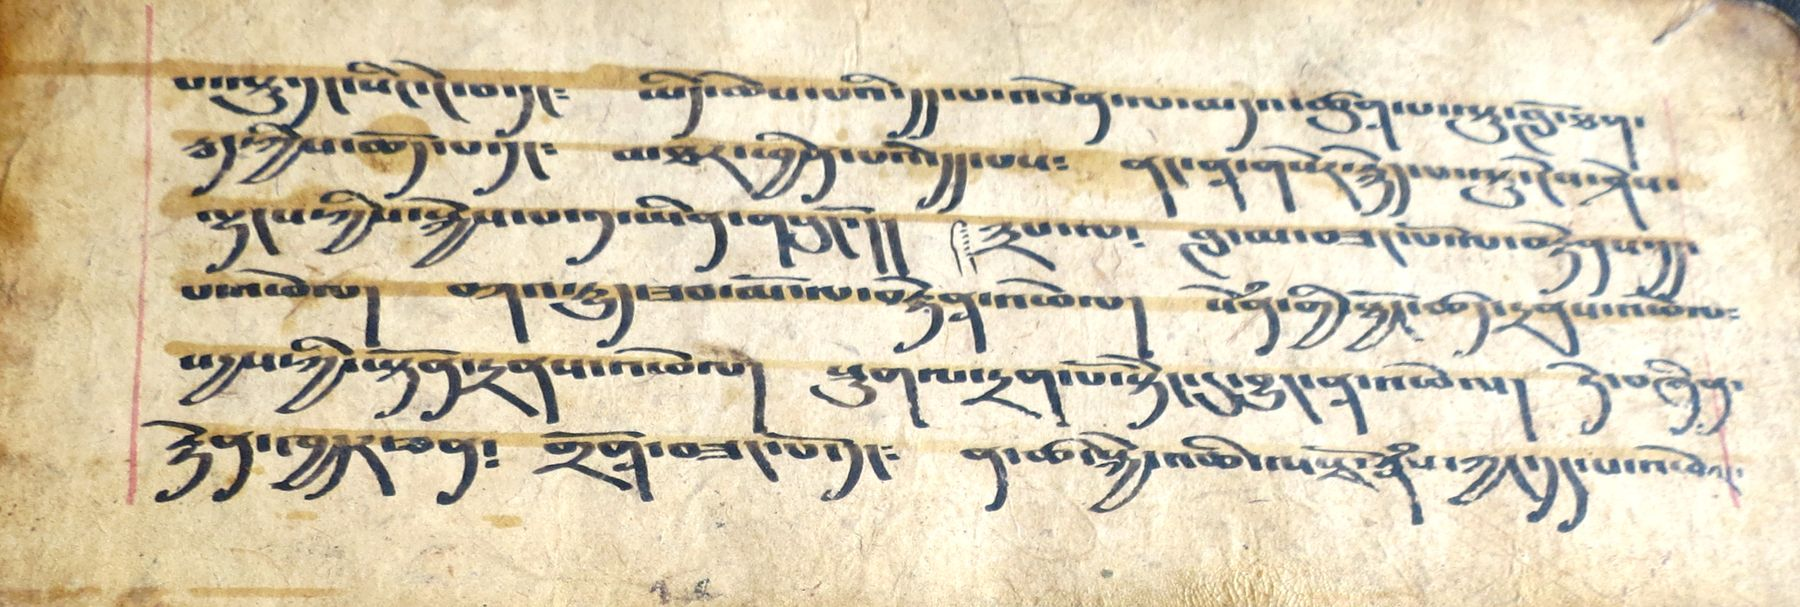པ་ལྟ་བུ་དྭངས་སིང་ངེ་བ། ཡིད་ཆེས་པའི་དད་པ་འབེན་ལ་མདའ་ཚུགས་པ་ལྟ་བུ་བློ་ཐག་
རྦད་ཀྱིས་ཆོད་པ་དང་། མཐར་ཕྱིན་པའི་དད་པ་ས་ནང་ནས་གསེར་རྙེད་པ་ལྟ་བུ་ངེས་ཤེས་
ལྷངས་ཀྱིས་སྐྱེ་བ་ཞིག་ཡིན་གསུངས་སོ། ། གསུམ་པ་༼སྤེལ་བའི་ཐབས༽ལ་བླ་མ་བཟང་པོ་ལ་བསྟེན་ནས་དད་
པ་འཕེལ། བཀའ་རྒྱུད་ཟབ་མོ་ལ་བརྟེན་ནས་དད་པ་འཕེལ། སེམས་ཅན་གྱི་སྦྱོང་ཚད་དྲན་ནས་དད་པ་འཕེལ། 
སངས་རྒྱས་ཀྱི་ཡོན་ཏན་དྲན་པ་འཕེལ། སྡུག་ལ་དྲག་པོ་སྟེང་དུ་བྱུང་ན་འཕེལ། དེ་བཞིན་
རྟེན་ཁྱད་པར་ཅན་དང་། གྲོགས་བཟང་པོ་དང་། ན་ཚ་སྐྱེ་འཆི་ལ་སོགས་རྣམས་ཀྱང་དད་པ་འཕེལ་